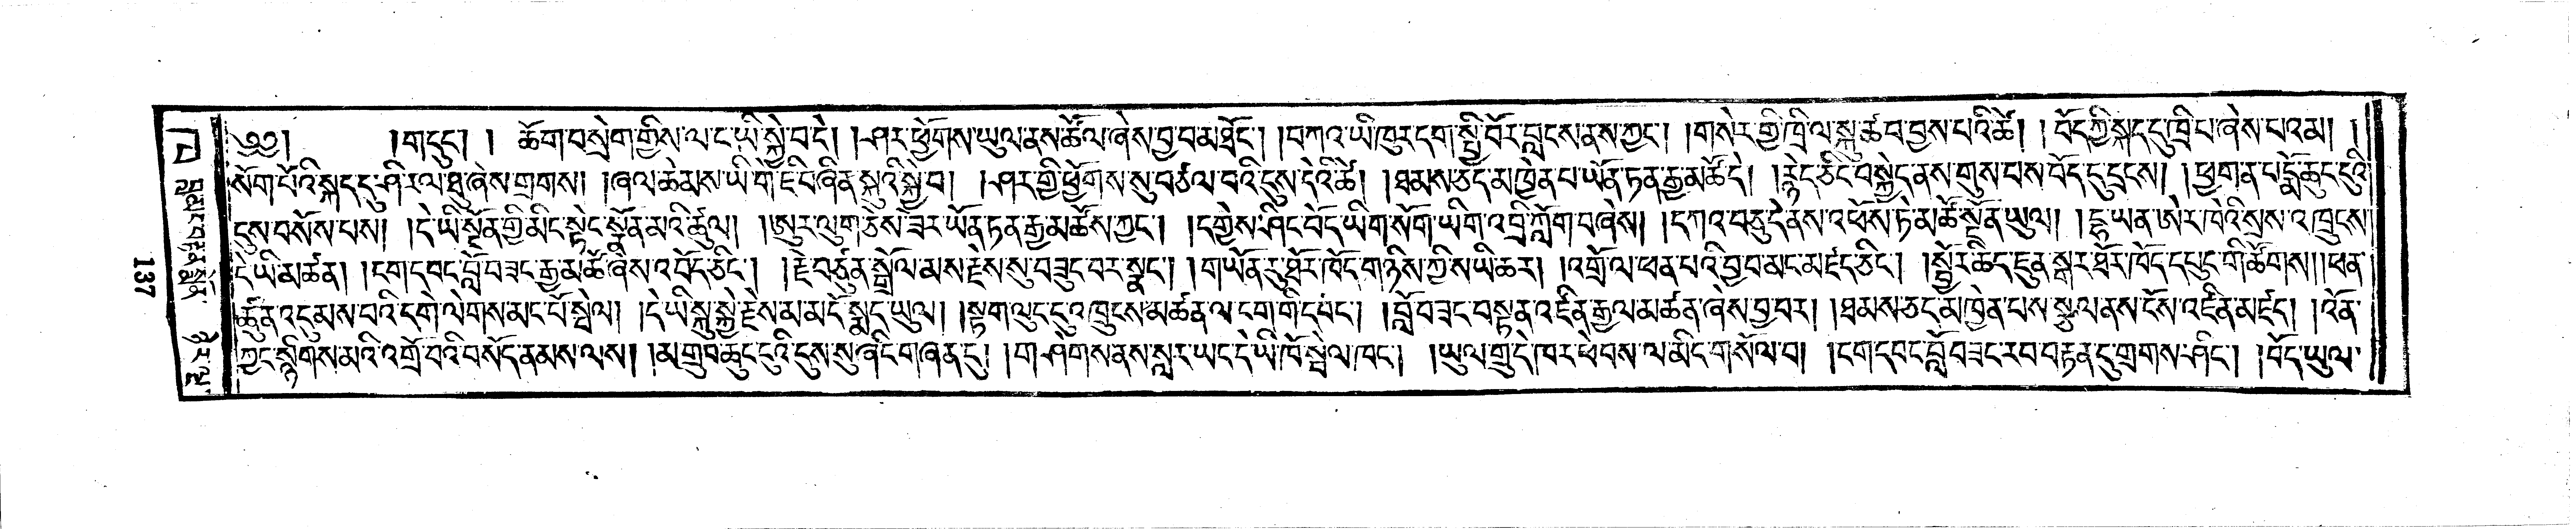༄༅། །གདུང་། །ཆོག་བསྲེག་གྱིས་ལ་ང་ཡི་སྐྱེ་བ་དེ། །ཤར་ཕྱོགས་ཡུལ་ནས་ཚོལ་ཞེས་བྱ་བ་མཐོང་། །བཀའ་ཡི་ཁུར་དག་སྦྱི་བོར་བླངས་ནས་ཀྱང་། །གསེར་གྱི་ཁྲི་ལ་སྐུ་ཚབ་བྱས་པའི་ཚེ། །བོད་ཀྱི་སྐད་དུ་ཁྲི་པ་ཞེས་པའམ། །
སོག་པོའི་སྐད་དུ་ཤི་རལ་ཐུ་ཞེས་གྲགས། །ཞལ་ཆེམས་ཡི་གེ་ཇི་བཞིན་སྐུའི་སྐྱེ་བ། །ཤར་གྱི་ཕྱོགས་སུ་བཙལ་བའི་དུས་དེའི་ཚེ། །ཐམས་ཅད་མཁྱེན་པ་ཡོན་ཏན་རྒྱ་མཚོ་དེ། །རྙེད་ཅིང་བསྐྱེད་ནས་གུས་པས་བོད་དུ་དྲངས། །ཕྱག་ན་པདམོ་ཆུང་དུའི་
དུས་བསོས་པས། །དེ་ཡི་སྔོན་གྱི་མིང་སྟེང་སྣོན་མའི་ཚུལ། །ཨུར་ལུག་ཅེས་ཟར་ཡོན་ཏན་རྒྱ་མཚོས་ཀྱང་། །དགྱེས་ཤིང་བོད་ཡིག་སོག་ཡིག་འབྲི་ཀློག་བཞེས། །དཀའ་བཅུ་དེ་ནས་འཕོས་ཏེ་མཚོ་སྔོན་ཡུལ། །དྷ་ཡན་ཨེར་ཁེའི་སྲས་འཁྲུངས་
དེ་ཡི་མཚན། །ངག་དབང་བློ་བཟང་རྒྱ་མཚོ་ཞེས་འབོད་ཅིང་། །རྗེ་བཙུན་སྒྲོལ་མས་རྗེས་སུ་བཟུང་བར་སྣང་། །གཡོན་རུ་ཐོར་ཁོད་གཉིས་ཀྱི་ས་ཡི་ཆར། །འགྲོ་ལ་ཕན་པའི་བྱ་བ་མང་མཛད་ཅིང་། །སྦྱོར་ཆིད་ཇུན་སྒར་ཐོར་ཁོད་དཔུང་གི་ཚོགས། །ཕན་
ཚུན་འདུམས་བའི་དགེ་ལེགས་མང་པོ་སྤེལ། །དེ་ཡི་སྐུ་སྐྱེ་རྗེས་མ་མདོ་སྨད་ཡུལ། །སྟག་ལུང་དུ་འཁྲུངས་མཚན་ལ་ངག་གི་དབང་། །བློ་བཟང་བསྟན་འཛིན་རྒྱལ་མཚན་ཞེས་བྱ་བར། །ཐམས་ཅད་མཁྱེན་པས་སྩལ་ནས་ངོས་འཛིན་མཛད། །འོན་
ཀྱང་སྙིགས་མའི་འགྲོ་བའི་བསོད་ནམས་ལས། །མ་གྲུབ་ཆུང་དུའི་དུས་སུ་ཞིང་གཞན་དུ། །གཤེགས་ནས་སླར་ཡང་དེ་ཡི་ཁོ་སྦེལ་ཁང་། །ཡུལ་གྲུ་དེ་ཁར་ཕེབས་ལ་མིང་གསོལ་བ། །ངག་དབང་བློ་བཟང་རབ་བརྟན་དུ་གྲགས་ཤིང་། །བོད་ཡུལ་